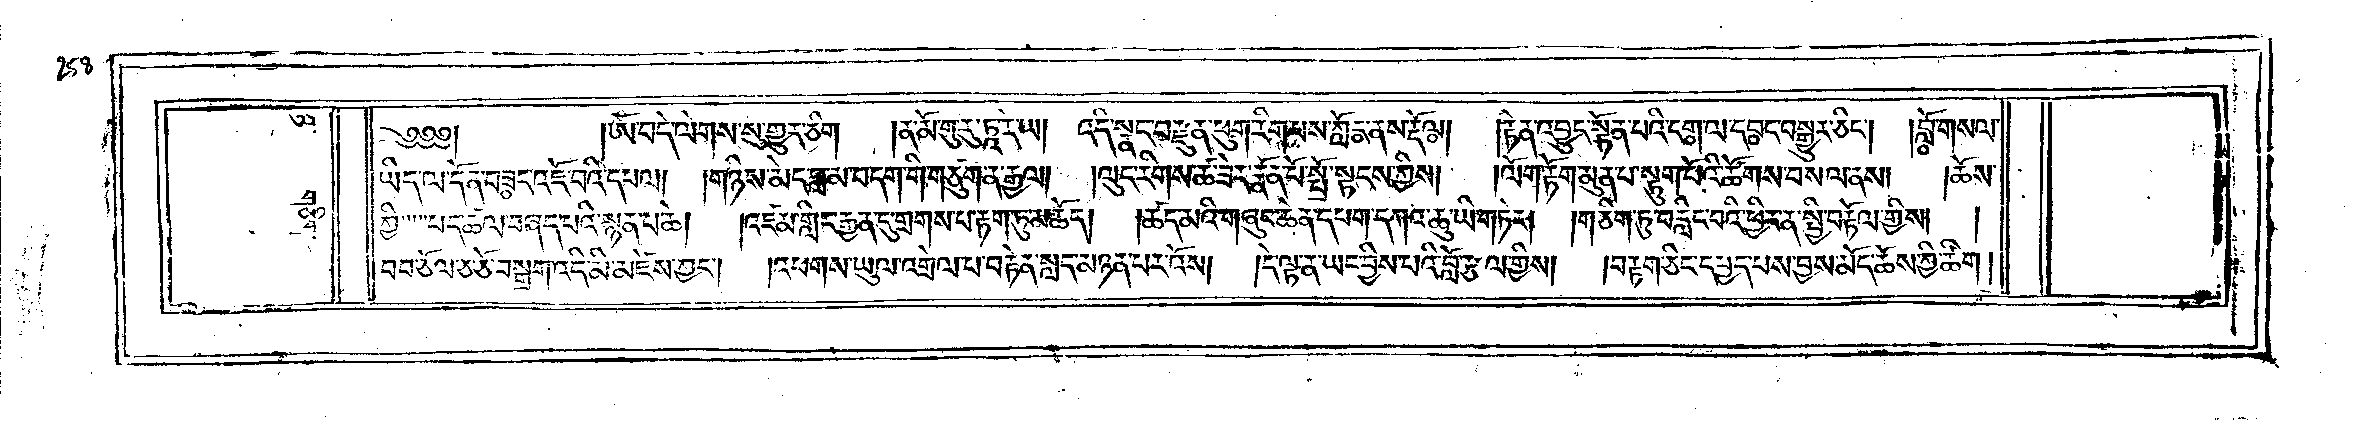༄༅༅། །ཨོཾ་བདེ་ལེགས་སུ་གྱུར་ཅིག །ན་མོ་གུ་རུ་ཏཱ་རེ་ཡ། འདི་སྣང་བརྫུན་ཕུག་རིག་པས་ཀློང་ནས་རྡོལ། །རྟེན་འབྱུང་སྟོན་པའི་ངག་ལ་དབང་བསྒྱུར་ཅིང་། །བློ་གསལ་
ཡིད་ལ་དོན་བཟང་འཇོ་བའི་དཔལ། །གཉིས་མེད་བླ་མ་བདག་གི་གཙུག་ན་རྒྱལ། །ལུང་རིགས་ཚ་ཟེར་རྣོན་པོ་སྤྲོ་སྟངས་ཀྱིས། །ལོག་རྟོག་མུན་པ་སྟུག་པོའི་ཚོགས་བསལ་ནས། །ཆོས་
ཀྱི་པད་ཚལ་བཞད་པའི་སྙན་པ་ཆེ། །འཛམ་གླིང་རྒྱན་དུ་གྲགས་པ་རྟག་ཏུ་མཆོད། །ཚད་མའི་གཞུང་ཆེན་དཔག་དཀའ་ཆུ་ཡི་གཏེར། །གཅིག་ཏུ་བརླིང་བའི་ཕྱིར་ན་སྤྱི་བརྟོལ་གྱིས། །
བབ་ཅོལ་ཅ་ཅོ་བསྒྲག་འདི་མི་མཛེས་ཀྱང་། །འཕགས་ཡུལ་འགྲེལ་པ་བརྟེན་སླད་མཉན་པར་འོས། །དེ་ལྟ་ན་ཡང་བྱིས་པའི་བློ་རྩལ་གྱིས། །བརྟག་ཅིང་དཔྱད་པས་བྱས་མོད་ཆོས་ཀྱི་ཚིག།